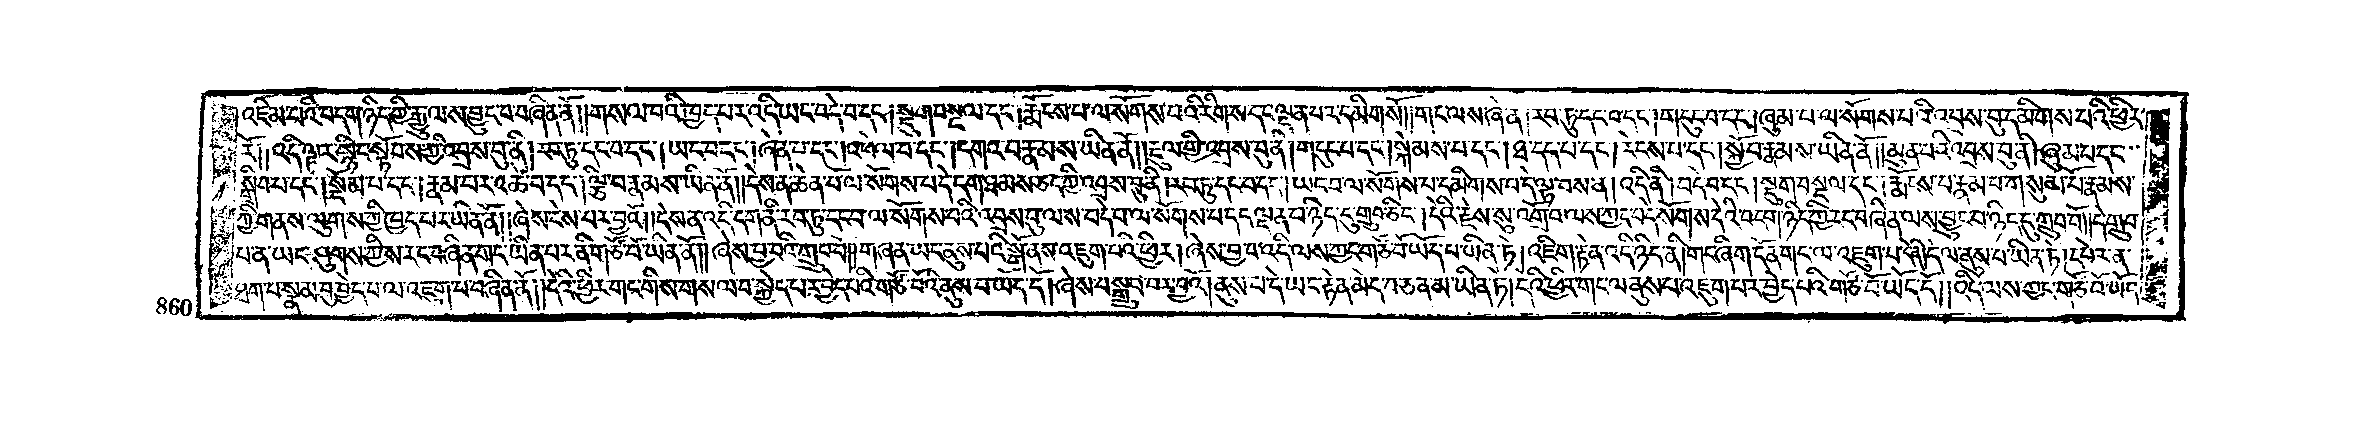འཇིམ་པའི་བདག་ཉིད་ཀྱི་རྒྱུ་ལས་བྱུང་བ་བཞིན་ནོ། །གསལ་བའི་ཁྱད་པར་འདི་ཡང་བདེ་བ་དང་། སྡུག་བསྔལ་དང་། རྨོངས་པ་ལ་སོགས་པའི་རིགས་དང་ལྡན་པར་དམིགས་སོ། །གང་ལས་ཞེ་ན། རབ་ཏུ་དང་བ་དང་། གདུང་བ་དང་། ཞུམ་པ་ལ་སོགས་པའི་འབྲས་བུ་དམིགས་པའི་ཕྱིར་
རོ། །འདི་ལྟར་སྙིང་སྟོབས་ཀྱི་འབྲས་བུ་ནི། རབ་ཏུ་དང་བ་དང་། ཡང་བ་དང་། ཞེན་པ་དང་། འཕེལ་བ་དང་། དགའ་བ་རྣམས་ཡིན་ནོ། །རྔུལ་གྱི་འབྲས་བུ་ནི། གདུང་བ་དང་། སྐེམས་པ་དང་། ཐ་དད་པ་དང་། རེངས་པ་དང་། སྐྱོ་བ་རྣམས་ཡིན་ནོ། །མུན་པའི་འབྲས་བུ་ནི། ཞུམ་པ་དང་
སྒྲིབ་པ་དང་། སྡོམ་པ་དང་། རྣམ་པར་འཚེ་བ་དང་། ལྕི་བ་རྣམས་ཡིན་ནོ། །དེས་ན་ཆེན་པོ་ལ་སོགས་པ་དེ་དག་ཐམས་ཅད་ཀྱི་འབྲས་བུ་ནི། རབ་ཏུ་དང་བ་དང་། ཡང་བ་ལ་སོགས་པ་དམིགས་པ་དེ་ལྟ་བས་ན། འདི་ནི་བདེ་བ་དང་། སྡུག་བསྔལ་དང་། རྨོངས་པ་རྣམ་པ་གསུམ་པོ་རྣམས་
ཀྱི་གནས་ལུགས་ཀྱི་ཁྱད་པར་ཡིན་ནོ། །ཞེས་ངེས་པར་བྱའོ། །དེས་ན་འདི་དག་ནི་རབ་ཏུ་དང་བ་ལ་སོགས་པའི་འབྲས་བུ་ལས་བདེ་བ་ལ་སོགས་པ་དང་ལྡན་པ་ཉིད་དུ་གྲུབ་ཅིང་། དེའི་རྗེས་སུ་འགྲོ་བ་ལས་ཀྱང་བདེ་སོགས་དེའི་བདག་ཉིད་ཀྱི་རང་བཞིན་ལས་བྱུང་བ་ཉིད་དུ་གྲུབ་བོ། །དེ་གྲུབ་
པ་ན་ཡང་ཤུགས་ཀྱིས་རང་བཞིན་གང་ཡིན་པར་ནི་གཙོ་བོ་ཡིན་ནོ། །ཞེས་བྱ་བའི་གྲུབ་བོ། །གཞན་ཡང་ནུས་པའི་སྒོ་ནས་འཇུག་པའི་ཕྱིར། ཞེས་བྱ་བ་འདི་ལས་ཀྱང་གཙོ་བོ་ཡོད་པ་ཡིན་ཏེ། འཇིག་རྟེན་འདི་ཉིད་ནི། གང་ཞིག་དོན་གང་ལ་འཇུག་པ་དེ་ནི། དེ་ལ་ནུས་པ་ཡིན་ཏེ། དཔེར་ན་
ཐག་པ་སྣམ་བུ་བྱེད་པ་ལ་འཇུག་པ་བཞིན་ནོ། །དེའི་ཕྱིར་གང་གིས་གསལ་བ་སྐྱེད་པར་བྱེད་པའི་གཙོ་བོའི་ནུས་པ་ཡོད་དོ། །ཞེས་བསྒྲུབ་པར་བྱའོ། །ནུས་པ་དེ་ཡང་རྟེན་མེད་པ་ཅན་མ་ཡིན་ཏེ། དེའི་ཕྱིར་གང་ལ་ནུས་པ་འཇུག་པར་བྱེད་པའི་གཙོ་བོ་ཡོད་དོ། །འདི་ལས་ཀྱང་གཙོ་བོ་ཡོད་